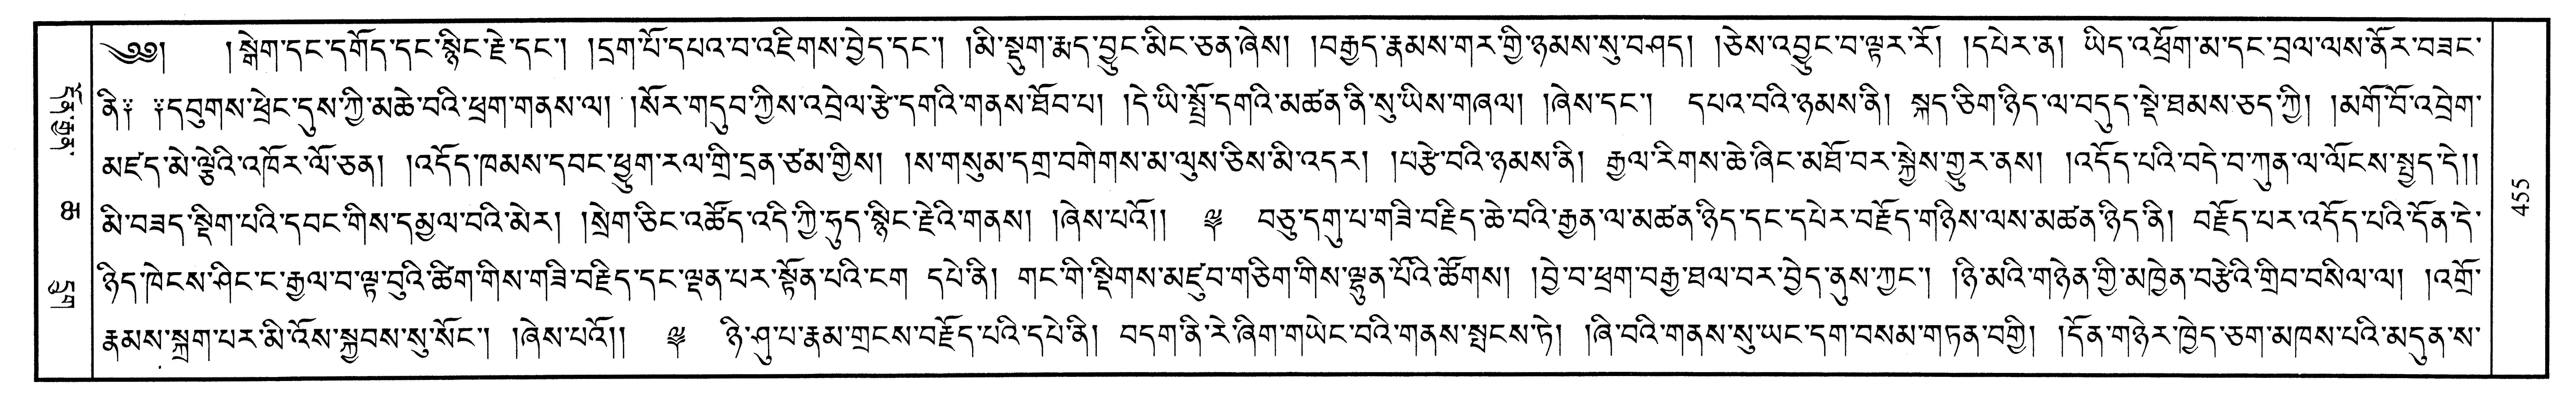༄༅། །སྒེག་དང་དགོད་དང་སྙིང་རྗེ་དང་། །དྲག་པོ་དཔའ་བ་འཇིགས་བྱེད་དང་། །མི་སྡུག་རྨད་བྱུང་མིང་ཅན་ཞེས། །བརྒྱད་རྣམས་གར་གྱི་ཉམས་སུ་བཤད། །ཅེས་འབྱུང་བ་ལྟར་རོ། །དཔེར་ན། ཡིད་འཕྲོག་མ་དང་བྲལ་ལས་ནོར་བཟང་
ནི༑ ༑དབུགས་ཕྲེང་དུས་ཀྱི་མཆེ་བའི་ཕྲག་གནས་ལ། །སོར་གདུབ་ཀྱིས་འབྲེལ་རྩེ་དགའི་གནས་ཐོབ་པ། །དེ་ཡི་སྤྲོ་དགའི་མཚན་ནི་སུ་ཡིས་གཞལ། །ཞེས་དང་། །དཔའ་བའི་ཉམས་ནི། སྐད་ཅིག་ཉིད་ལ་བདུད་སྡེ་ཐམས་ཅད་ཀྱི། །མགོ་བོ་འབྲེག་
མཛད་མེ་ལྕེའི་འཁོར་ལོ་ཅན། །འདོད་ཁམས་དབང་ཕྱུག་རལ་གྲི་དྲན་ཙམ་གྱིས། །ས་གསུམ་དགྲ་བགེགས་མ་ལུས་ཅིས་མི་འདར། །བརྩེ་བའི་ཉམས་ནི། རྒྱལ་རིགས་ཆེ་ཞིང་མཐོ་བར་སྐྱེས་གྱུར་ནས། །འདོད་པའི་བདེ་བ་ཀུན་ལ་ལོངས་སྤྱད་དེ།།
མི་བཟད་སྡིག་པའི་དབང་གིས་དམྱལ་བའི་མེར། །སྲེག་ཅིང་འཚོད་འདི་ཀྱི་ཧུད་སྙིང་རྗེའི་གནས། །ཞེས་པའོ།། ༈ བཅུ་དགུ་པ་གཟི་བརྗིད་ཆེ་བའི་རྒྱན་ལ་མཚན་ཉིད་དང་དཔེར་བརྗོད་གཉིས་ལས་མཚན་ཉིད་ནི། བརྗོད་པར་འདོད་པའི་དོན་དེ་
ཉིད་ཁེངས་ཤིང་ང་རྒྱལ་བ་ལྟ་བུའི་ཚིག་གིས་གཟི་བརྗིད་དང་ལྡན་པར་སྟོན་པའི་ངག་དཔེ་ནི། གང་གི་སྡིགས་མཛུབ་གཅིག་གིས་ལྷུན་པོའི་ཚོགས། །བྱེ་བ་ཕྲག་བརྒྱ་ཐལ་བར་བྱེད་ནུས་ཀྱང་། །ཉི་མའི་གཉེན་གྱི་མཁྱེན་བརྩེའི་གྲིབ་བསིལ་ལ། །འགྲོ་
རྣམས་སྐྲག་པར་མི་འོས་སྐྱབས་སུ་སོང་། །ཞེས་པའོ།། ༈ ཉི་ཤུ་པ་རྣམ་གྲངས་བརྗོད་པའི་དཔེ་ནི། བདག་ནི་རེ་ཞིག་གཡེང་བའི་གནས་སྤངས་ཏེ། །ཞི་བའི་གནས་སུ་ཡང་དག་བསམ་གཏན་བགྱི། །དོན་གཉེར་ཁྱེད་ཅག་མཁས་པའི་མདུན་ས་